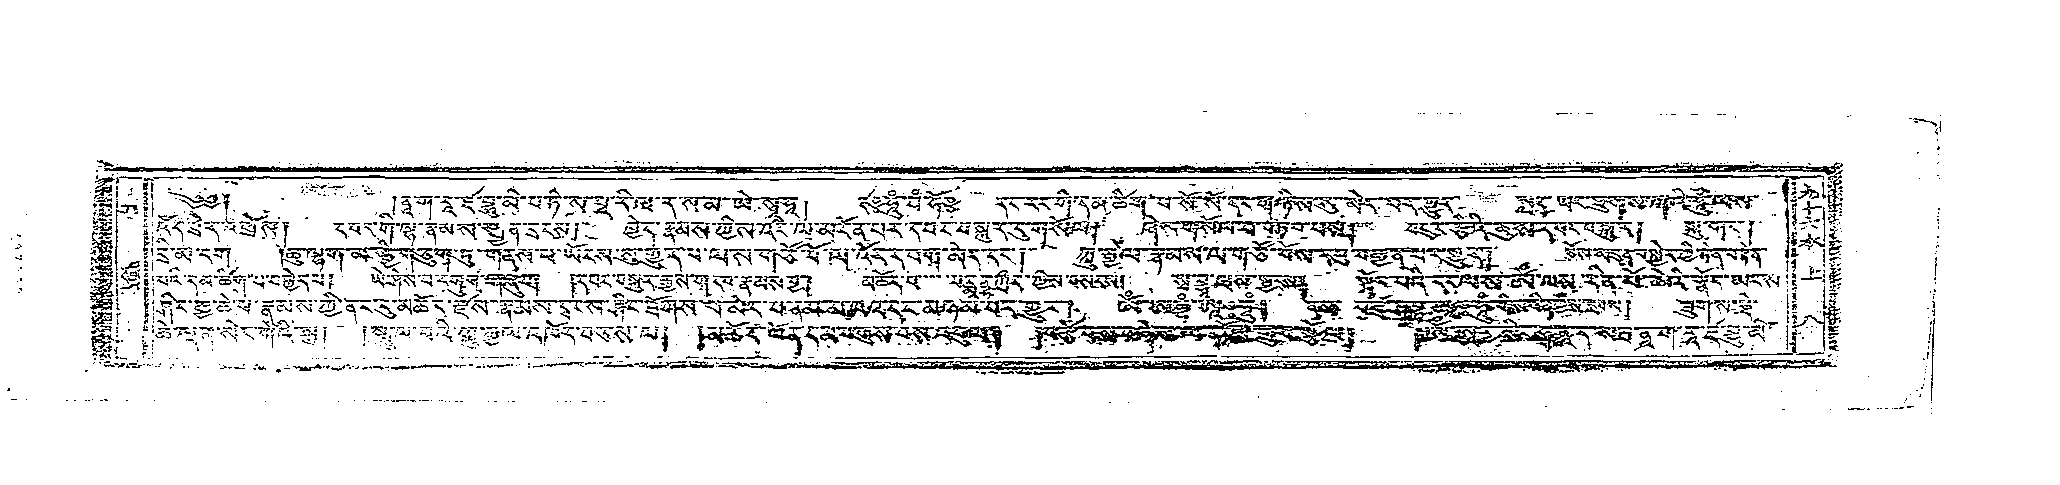༄༅། །ནཱ་ག་རཱ་ཛ་བྷུ་མི་པ་ཏི་ས་པ་རི་ཝ་ར་ས་མ་ཡེ་སྭཱཧཱ། །ཛཿ ཧཱུཾ་བཾ་ཧོཿ རང་རང་གི་དམ་ཚིག་པ་སོ་སོ་དང་གཉིས་སུ་མེད་པར་གྱུར། །སླར་ཡང་ཐུགས་ཀའི་ཧཱུཾ་ལས་
འོད་ཟེར་འཕྲོས། །དབང་གི་ལྷ་རྣམས་སྦྱན་དྲངས། ཁྱེད་རྣམས་ཀྱིས་འདི་ལ་མངོན་པར་དབང་བསྐུར་དུ་གསོལ། །ཞེས་གསོལ་བ་བཏབ་པས། །བདུད་རྩིའི་ཆུས་དབང་བསྐུར། སྐུ་གང་།
དྲི་མ་དག །ཆུ་ལྷག་མ་སྤྱི་གཙུག་ཏུ་གནས་པ་ཡོངས་སུ་གྱུར་པ་ལས་གཙོ་བོ་ལ་འོད་དཔག་མེད་དང་། །ཀླུ་རྒྱལ་རྣམས་ལ་གཙོ་བོས་དབུ་བརྒྱན་པར་གྱུར། །ཅེས་མདུན་བསྐྱེད་ཀྱི་རྟེན་བརྟེན་
བའི་དམ་ཚིག་པ་བསྐྱེད་བ། །ཡེ་ཤེས་པར་གུག་གཞུག །དབང་བསྐུར་རྒྱས་གདབ་རྣམས་བྱ། །ཆོད་པ་པདམནྟ་ཀྲིད་ཀྱིས་བསངས། །སྭ་བྷཱ་ཝས་སྦྱངས། །སྟོང་བའི་དང་ལས་ཨོཾ་ལས་རིན་པོ་ཆེའི་སྣོད་ཡངས་
ཤིང་རྒྱ་ཆེ་བ་རྣམས་ཀྱི་ནང་དུ་མཆོད་རྫས་རྣམས་དྭངས་ཤིང་ཐོགས་པ་མེད་པ་ནམ་མཁའ་དང་མཉམ་པར་གྱུར། །ཨོཾ་ཨརྒྷཾ་ཨཱཿ ཧཱུཾ། །ནས་བཛྲ་ཤཔྟ་ཨཱཿ ཧཱུཾ་གིས་བྱིན་གྱིས་རླབས། །ཐུགས་རྗེ་
ཆེ་ལྡན་སེང་གེའི་སྒྲ། །སྤུལ་པའི་ཀླུ་རྒྱལ་འཁོར་བཅས་ལ། །མཆོད་ཡོན་དམ་པ་གུས་པས་འབུལ། །བརྩེབས་བཞེས་ལ་དངོས་གྲུབ་སྩོལ། །ཨོཾ་ཨཱརྱཱ་སིད་ཧ་ནཱ་ད་སརྦ་ནཱ་ག་རཱ་ཛ་བྷ་མ་